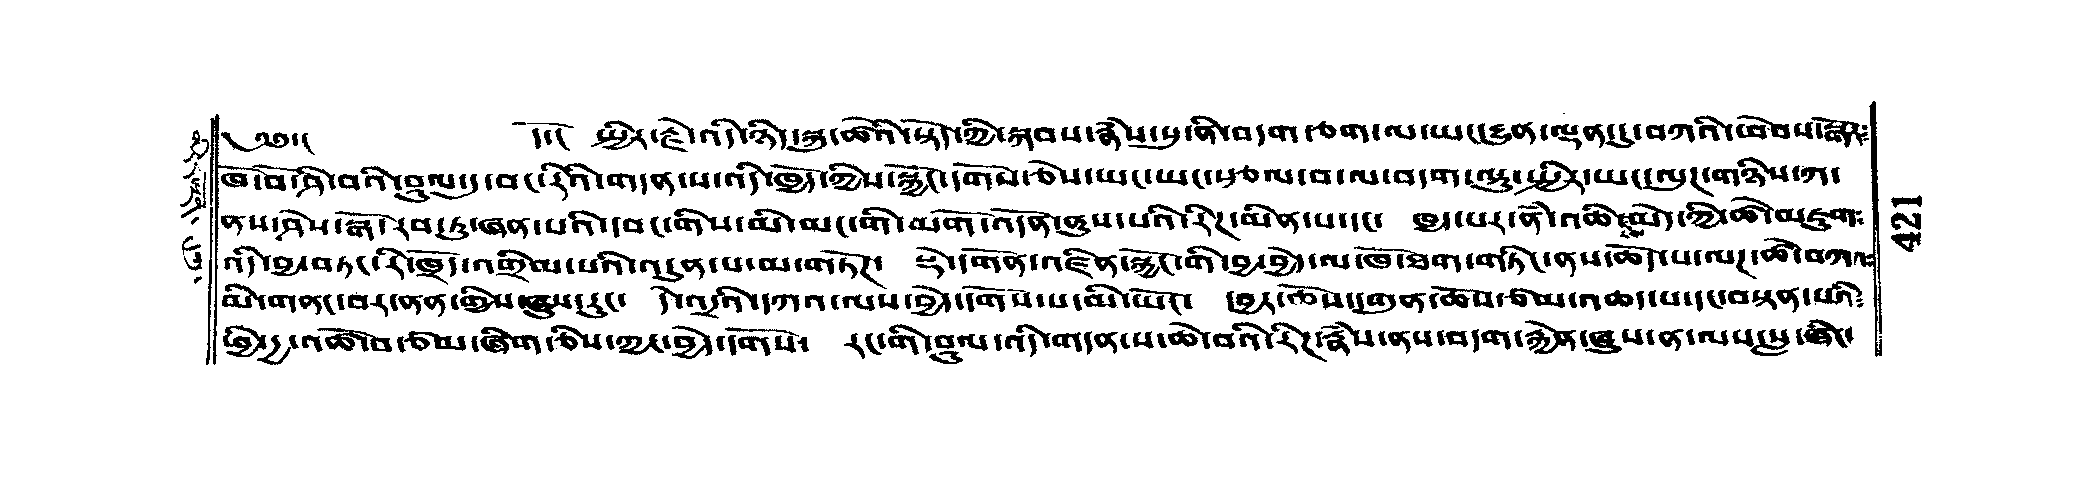དོ། སྤྱིར་རྗེ་འདི་ཉིད་སྐུ་ཚེའི་སྟོད་ཀྱི་སྐབས་རྣམས་སུ་ནི་བདག་ཅག་ལ་ཡང་རྒྱུན་ལྡན་དུ་བཀའི་ཕེབས་སྒོར་
ཁོ་བོ་ཤི་བའི་ཤུལ་དུ་བང་རིའི་གདན་ས་འདི་ཁྱོད་ཀྱིས་སྐྱོང་དགོས་ཅེས་ཡང་ཡང་སྩལ་བ་ལ་བདག་ལྟ་བུ་སྤྱིར་ཡང་ལུགས་གཉིས་ཀ་
ནས་ཤེས་སྒོ་རབ་ཏུ་ཞན་པའི་དབང་གིས་མི་མང་གི་མགོ་འདོན་ནུས་པའི་རིགས་མིན་པ་དང་།ཁྱད་པར་ནམ་འཆི་ངེས་མེད་ཀྱི་ཚེ་མཇུག་
འདི་བྱ་བཏང་རི་ཁྲོད་འགྲིམ་པའི་འདུན་པ་མ་གཏོགས། སྡེ་དགོན་འཛིན་སྐྱོང་གི་བྱ་བྱེད་ལ་ཁོ་ཐག་གཏིང་ནས་ཆོད་པ་ལགས་ཚེ་བཀའ་
མི་གནང་བར་ནན་གྱིས་ཞུས་རུང་། དེ་འདྲའི་དཀའ་ལས་བྱེད་དགོས་པ་མི་ཡོང་། དབྱར་ཆོས་དགུན་ཆོས་ཙམ་མཆད་པ་དང་བསྟན་པའི་
ཕྱི་རྒྱ་འཚོ་བ་ཙམ་ཞིག་ཅིས་ཀྱང་བྱེད་དགོས། རང་གི་ཤུལ་འདི་གདན་ས་ཆེ་བའི་རིགས་རྣམས་ནས་བདག་རྐྱེན་ཞུས་ན་ལས་སླ་ཞིང་